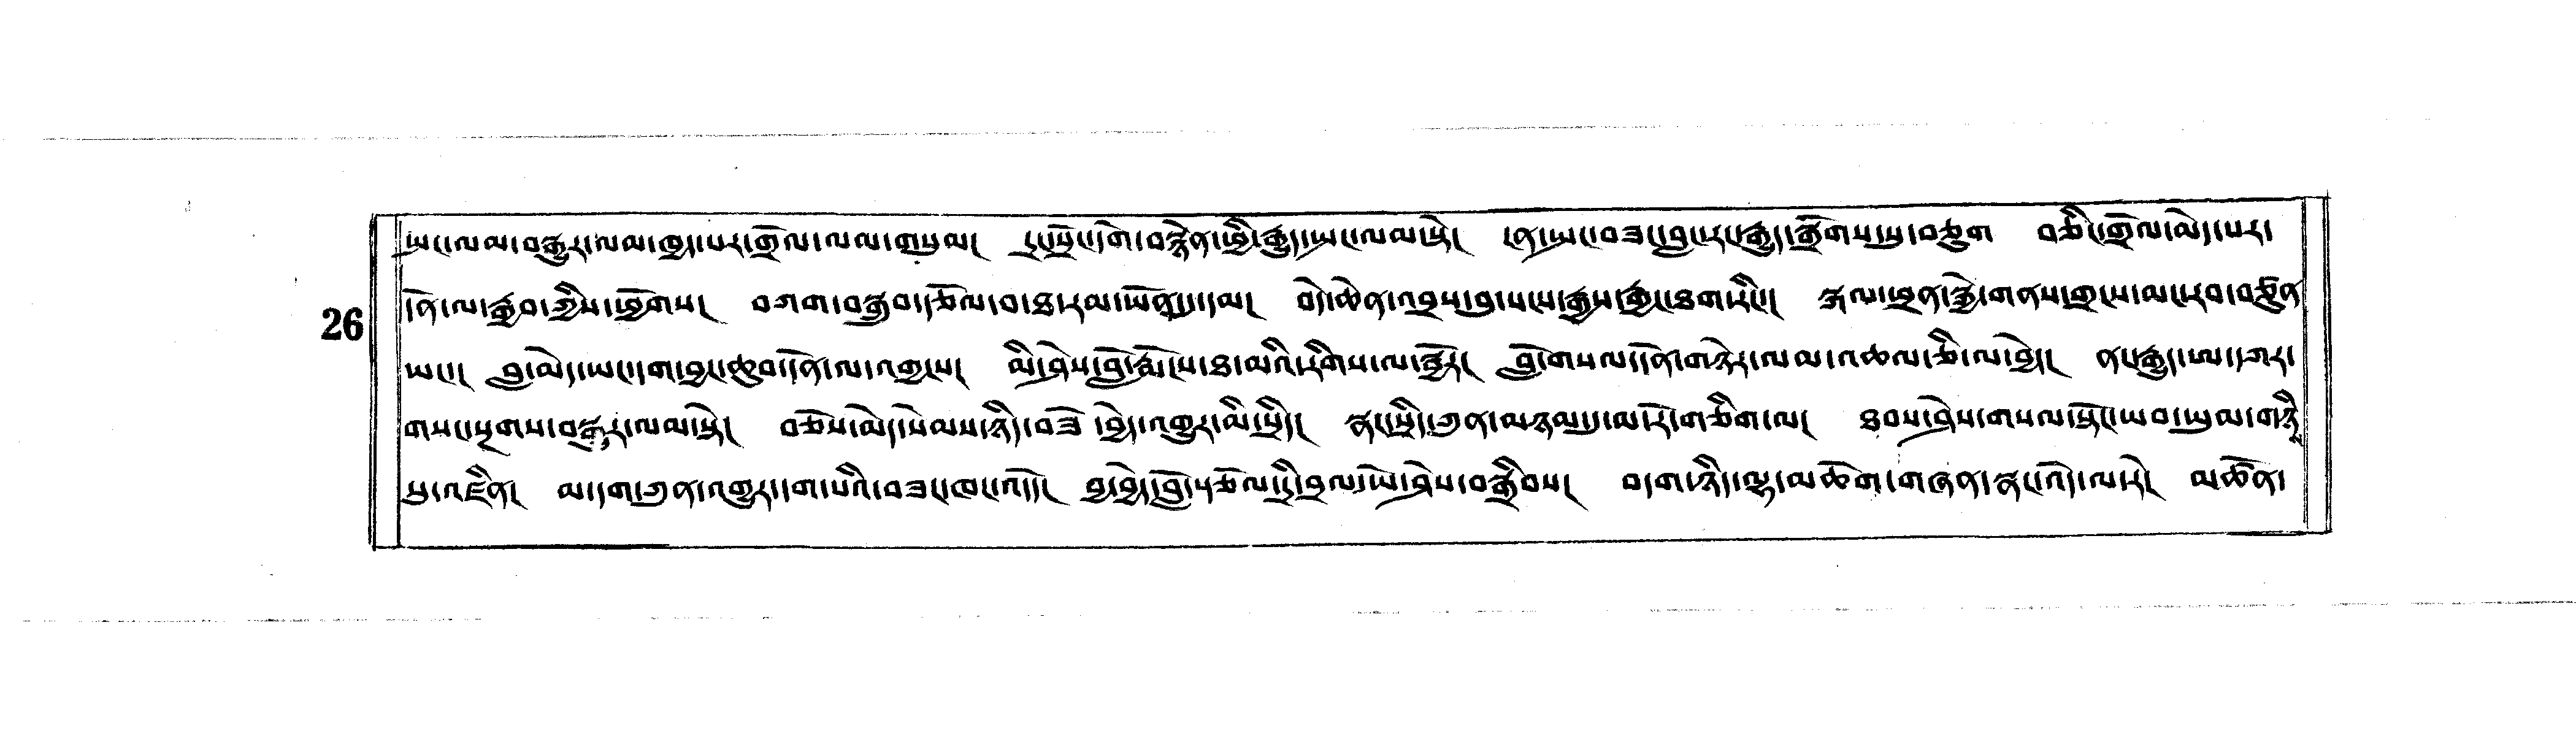སྤང་ལམ་སྒྱུར་ལམ་ཁྱད་པར་གྲོལ་ལམ་གསུམ། དྲང་སྲོང་དགེ་བསྙེན་ཕྱི་རྒྱུད་སྤང་ལམ་སྟེ། ངན་སྤང་བཟང་བླང་རང་རྒྱུད་སྒྲོགས་སུ་བཅུག བཅིང་གྲོལ་མེད་པར་
དོན་ལ་རྒྱབ་ཀྱིས་ཕྱོགས། བཀག་སྒྲུབ་རྩོལ་བ་ཐ་རམ་ཡོན་དུ་དམ། བདེ་ཆེན་འབྲས་བུ་སངས་རྒྱས་རྒྱང་ཐག་རིང་། སྐལ་ཕྲན་སྐྱེ་གནས་གྲངས་མང་རབ་བཙུན་
ཡང་། བླ་མེད་ཡང་དག་བྱང་ཆུབ་དོན་ལ་འགྱངས། མི་ཤེས་བློ་རྨོངས་ཐ་མའི་རིགས་ལ་སྦྱོར། བློ་གསལ་དོན་གཉེར་ལམ་འཆལ་ཅི་ལ་བྱེད། ནང་རྒྱུད་ཨ་དཀར་
གསང་སྔགས་སྒྱུར་ལམ་སྟེ། བཅོས་མེད་སེམས་ཉིད་བཟོ་བྱེད་འགྱུར་མི་སྲིད། སྣང་སྲིད་ཀུན་མཉམ་དུ་མ་རོ་གཅིག་པ། ཐབས་ཤེས་གསལ་སྟོང་ཡབ་ཡུམ་གཉིས་
སུ་འཛིན། མ་དག་ཀུན་འགྱུར་དག་པའི་ཁང་བཟང་འདོད། བྱ་བྱེད་བློ་རྩོལ་དྲི་བྲལ་ཡེ་ཤེས་བསྒྲིབས། བདག་ཉིད་ལྷ་མཆོག་གཞན་སྣང་འོད་ལ་རེ། མཚོན་